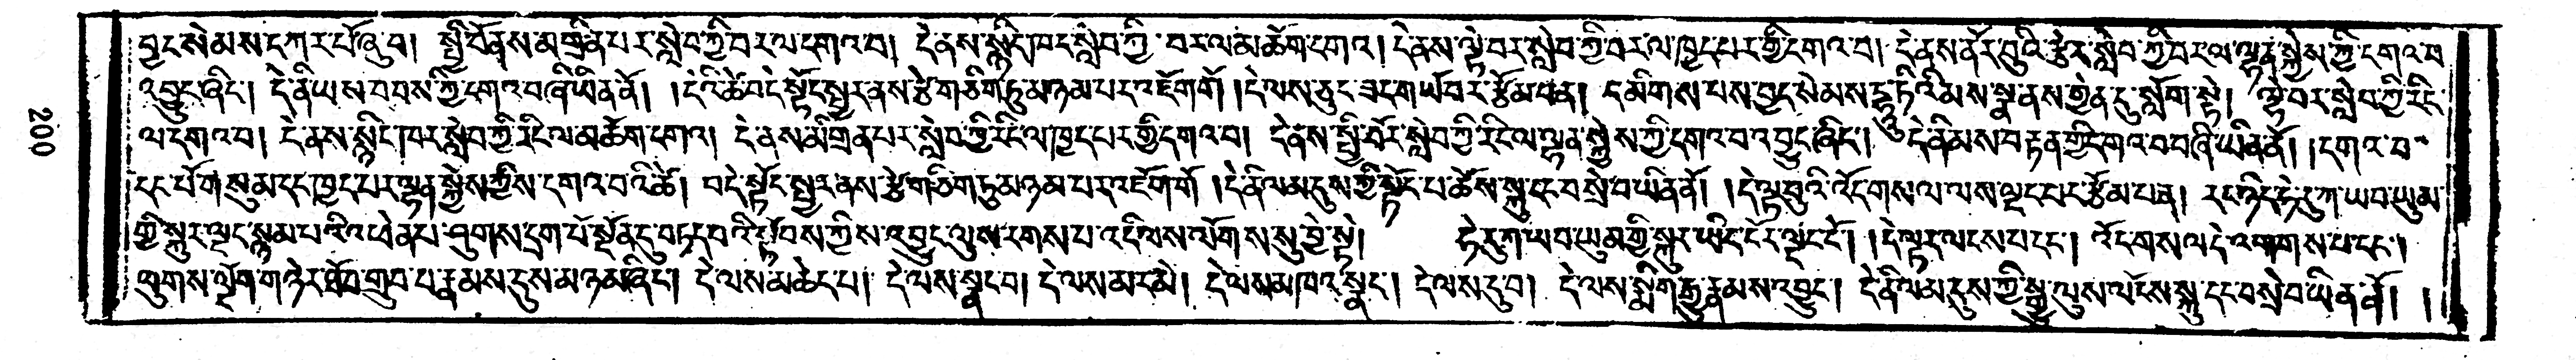བྱང་སེམས་དཀར་པོ་ཞུ་བ། སྤྱི་བོ་ནས་མགྲིན་པར་སླེབ་ཀྱི་བར་ལ་དགའ་བ། དེ་ནས་སྙིང་ཁར་སླེབ་ཀྱི་བར་ལ་མཆོག་དགའ། དེ་ནས་ལྟེ་བར་སླེབ་ཀྱི་བར་ལ་ཁྱད་པར་གྱི་དགའ་བ། དེ་ནས་ནོར་བུའི་རྩེར་སླེབ་ཀྱི་བར་ལ་ལྷན་སྐྱེས་ཀྱི་དགའ་བ་
འབྱུང་ཞིང་། དེ་ནི་ཡས་བབས་ཀྱི་དགའ་བཞི་ཡིན་ནོ། །དེའི་ཚེ་བདེ་སྟོང་སྦྱར་ནས་རྩེ་གཅིག་ཏུ་མཉམ་པར་འཇོག་གོ། །དེ་ལས་ཅུང་ཟད་གཡོ་བར་རྩོམ་པན། དམིགས་པས་བྱང་སེམས་དྷཱུ་ཏིའི་མས་སྣ་ནས་གྱེན་དུ་སློག་སྟེ། ལྟེ་བར་སླེབ་ཀྱི་རིང་
ལ་དགའ་བ། དེ་ནས་སྙིང་ཁར་སླེབ་ཀྱི་རིང་ལ་མཆོག་དགའ། དེ་ནས་མགྲིན་པར་སླེབ་ཀྱི་རིང་ལ་ཁྱད་པར་གྱི་དགའ་བ། དེ་ནས་སྤྱི་བོར་སླེབ་ཀྱི་རིང་ལ་ལྷན་སྐྱེས་ཀྱི་དགའ་བ་འབྱུང་ཞིང་། དེ་ནི་མས་བརྟན་གྱི་དགའ་བ་བཞི་ཡིན་ནོ། །དགའ་བ་
དང་པོ་གསུམ་དང་ཁྱད་པར་ལྷན་སྐྱེས་ཀྱིས་དགའ་བའི་ཚེ། བདེ་སྟོང་སྤྱར་ནས་རྩེ་གཅིག་ཏུ་མཉམ་པར་འཇོག་གོ །དེ་ནི་ལམ་དུས་ཀྱི་སྟོང་པ་ཆོས་སྐུ་དང་བསྲེ་བ་ཡིན་ནོ། །དེ་ལྟ་བུའི་འོད་གསལ་ལས་ལྡང་པར་རྩོམ་པ་ན། རང་ཉིད་ཧེ་རུ་ཀ་ཡབ་ཡུམ་
གྱི་སྐུར་ལྡང་སྙམ་པའི་འཕེན་པ་ཤུགས་དྲག་པོ་སྔོན་དུ་བཏད་པའི་སྟོབས་ཀྱིས་འབྱུང་ལུས་རགས་པ་འདི་ལས་ལོགས་སུ་བྱེ་སྟེ། ཧེ་རུ་ཀ་ཡབ་ཡུམ་གྱི་སྐུར་ཡིད་ངོར་ལྡང་ངོ། །དེ་ལྟར་ལངས་པ་དང་། འོད་གསལ་དེ་འགགས་པ་དང་།
ལུགས་ལྡོག་གཉེར་ཐོབ་གྲུབ་པ་རྣམས་དུས་མཉམ་ཞིང་། དེ་ལས་མཆེད་པ། དེ་ལས་སྣང་བ། དེ་ལས་མར་མེ། དེ་ལས་མཁའ་སྣང་། དེ་ལས་དུ་བ། དེ་ལས་སྨིག་རྒྱུ་རྣམས་འབྱུང་། དེ་ནི་ལམ་དུས་ཀྱི་སྒྱུ་ལུས་ལོངས་སྐུ་དང་བསྲེ་བ་ཡིན་ནོ། །